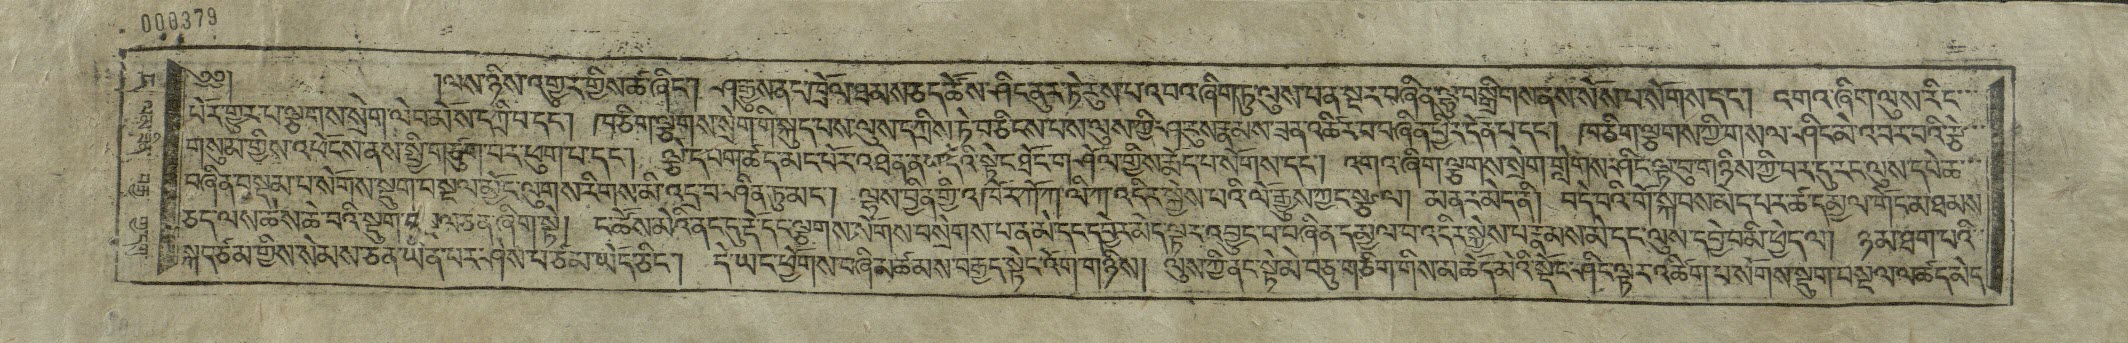༄༅། །ལས་ཉིས་འགྱུར་གྱིས་ཚ་ཞིང་། ཤ་རྒྱུས་ནང་ཁྲོལ་ཐམས་ཅད་ཚོས་ཤིང་ནུར་ཏེ་རུས་པ་འབའ་ཞིག་ཏུ་ལུས་པ་ན་སྔར་བཞིན་ལྷུ་བསྒྲིགས་ནས་སོས་པ་སོགས་དང་། འགའ་ཞིག་ལུས་རིང་
པོར་གྱུར་པ་ལྕགས་སྲེག་ལེབ་མོ་ས་དཀྲི་བ་དང་། ཁ་ཅིག་ལྕགས་སྲེག་གི་སྐུད་པས་ལུས་དཀྲིས་ཏེ་བཅིངས་པས་ལུས་ཀྱི་ཤ་རུས་རྣམས་ཟན་འཚིར་བ་བཞིན་ཕྱིར་དོན་པ་དང་། ཁ་ཅིག་ལྕགས་ཀྱི་གསལ་ཤིང་མི་འབར་བའི་རྩེ་
གསུམ་གྱིས་འཕོངས་ནས་སྤྱི་གཙུག་པར་ཕུག་པ་དང་། ལྕེ་དཔག་ཚད་མང་པོར་འཐེན་ནས་དེའི་སྟེང་ཐོང་གསོལ་གྱིས་རྨོད་པ་སོགས་དང་། འག་འྮིག་ལྕག་སྲེག་གླེགས་ཤིང་ལྟ་བུ་གཉིས་ཀྱི་བར་རུ་རང་ལུས་དཔེ་ཆ་
བཞིན་བསྡམ་པ་སོགས་སྡུག་བསྔལ་མྱོང་ལུགས་རིགས་མི་འདྲ་བ་ཤིན་ཏུ་མང་། ལྷས་བྱིན་གྱི་འཁོར་ཀོ་ཀ་ལི་ཀ་འདིར་སྐྱེས་པའི་ལོ་རྒྱུས་ཀྱང་སྩལ། མནར་མེད་ནི། བདེ་བའི་གོ་སྐབས་མེད་པར་ཚ་དམྱལ་གོང་མ་ཐམས་
ཅད་ལས་ཆེས་ཆེ་བའི་སྡུག་བསྔལ་ཅན་ཞིག་སྟེ། ང་ཚོས་མེའི་ནང་དུ་རྡོ་དང་ལྕགས་སོགས་བསྲེགས་པ་ན་མེ་དང་དབྱེར་མེད་ལྟར་འབྱུང་བ་བཞིན་དམྱལ་བ་འདིར་སྐྱེས་པ་རྣམས་མེ་དང་ལུས་དབྱེ་བ་མི་ཕྱེད་ལ། ཉམ་ཐག་པའི་
སྐད་ཙམ་གྱིས་སེམས་ཅན་ཡིན་པར་ཤེས་པ་ཙམ་ཡོད་ཅིང་། དེ་ཡང་ཕྱོགས་བཞི་མཚམས་བརྒྱད་སྟེང་འོག་གཉིས། ལུས་ཀྱི་ནང་སྟེ་མེ་བཅུ་གཅིག་གིས་མཆོད་མེའི་སྡོང་ཤིང་ལྟར་འཚིག་པ་སོགས་སྡུག་བསྔལ་ལ་ཚད་མེད་